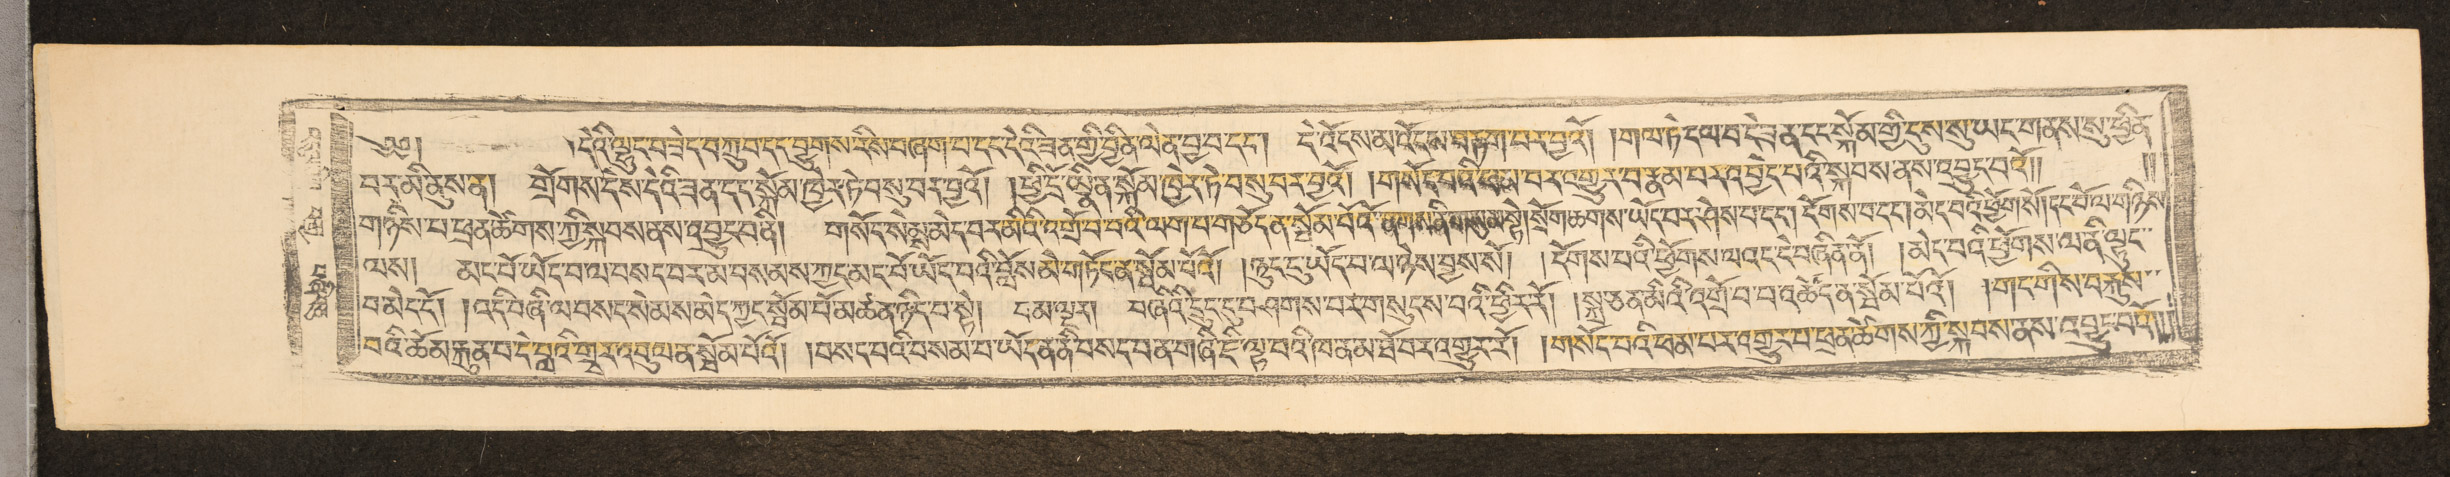༄༅། །དེའི་ལྷུང་བཟེད་བཀྲུ་བ་དང་ཕྱུགས་རིས་བཞག་པ་དང་དེའི་ཟན་གྱི་བྱིན་ལེན་བྱ་བ་དང་། དེ་འོངས་མ་འོངས་བརྟག་པར་བྱའོ། །གལ་ཏེ་ངལ་བ་དེ་ཟན་དང་སྐོམ་གྱི་དུས་སུ་ཡང་གནས་སུ་ཕྱིན་
པར་མི་ནུས་ན། གྲོགས་དེས་དེའི་ཟན་དང་སྐོམ་ཁྱེར་ཏེ་བསུ་བར་བྱའོ། །ཕྱི་དྲོ་ཡིན་ན་སྐོམ་ཁྱེར་ཏེ་བསུ་བར་བྱའོ། །གསོད་པའི་ཕམ་པར་འགྱུར་བ་རྣམ་པར་འབྱེད་པའི་སྐབས་ནས་འབྱུང་བའོ།། །།
གཉིས་པ་ཕྲན་ཚེགས་ཀྱི་སྐབས་ནས་འབྱུང་བ་ནི། གསོད་སེམས་མེད་པར་མིའི་འགྲོ་བ་པའི་ལག་པ་གཅོད་ན་སྦོམ་པོའོ་ནགས་ནི་གསུམ་སྟེ། སྲོག་ཆགས་ཡོད་པར་ཤེས་པ་དང་། དོགས་པ་དང་། མེད་པའི་ཕྱོག་སོ་།དང་པོ་ལ་གཉིས་
ལས། མང་པོ་ཡོད་པ་ལ་བསད་པར་མ་བསམས་ཀྱང་མང་པོ་ཡོད་པའི་བློས་མེ་གཏོང་ན་སྦོམ་པོའོ། །ཉུང་དུ་ཡོད་པ་ལ་ཉེས་བྱས་སོ། །དོགས་པའི་ཕྱོགས་ལའང་དེ་བཞིན་ནོ། །མེད་པའི་ཕྱོགས་ལ་ནི་ལྟུང་
བ་མེད་དོ། །འདི་བཞི་ལ་བསད་སེམས་མེད་ཀྱང་སྦོམ་པོ་མཚན་ཉིད་པ་སྟེ། བམ་ལྔར། བཞིའི་དྲུང་དུ་བཤགས་པར་གསུངས་པའི་ཕྱིར་རོ། །སྐྲ་ཅན་མིའི་འགྲོ་བ་པ་འཆོད་ན་སྦོམ་པོའོ། །གང་གིས་བརྐུས་
པའི་ཆོམ་རྐུན་པ་དེ་བླའི་གྲྭར་འབུལ་ན་སྦོམ་པོའོ། །བསད་པའི་བསམ་པ་ཡོད་ན་ནི་བསད་པ་ན་གཞི་ཇི་ལྟ་བའི་ཁ་ན་མ་ཐོ་བར་འགྱུར་རོ། །གསོད་པའི་ཕམ་པར་འགྱུར་པ་ཕྲན་ཚེགས་ཀྱི་སྐབས་ནས་འབྱུང་བའོ།། །